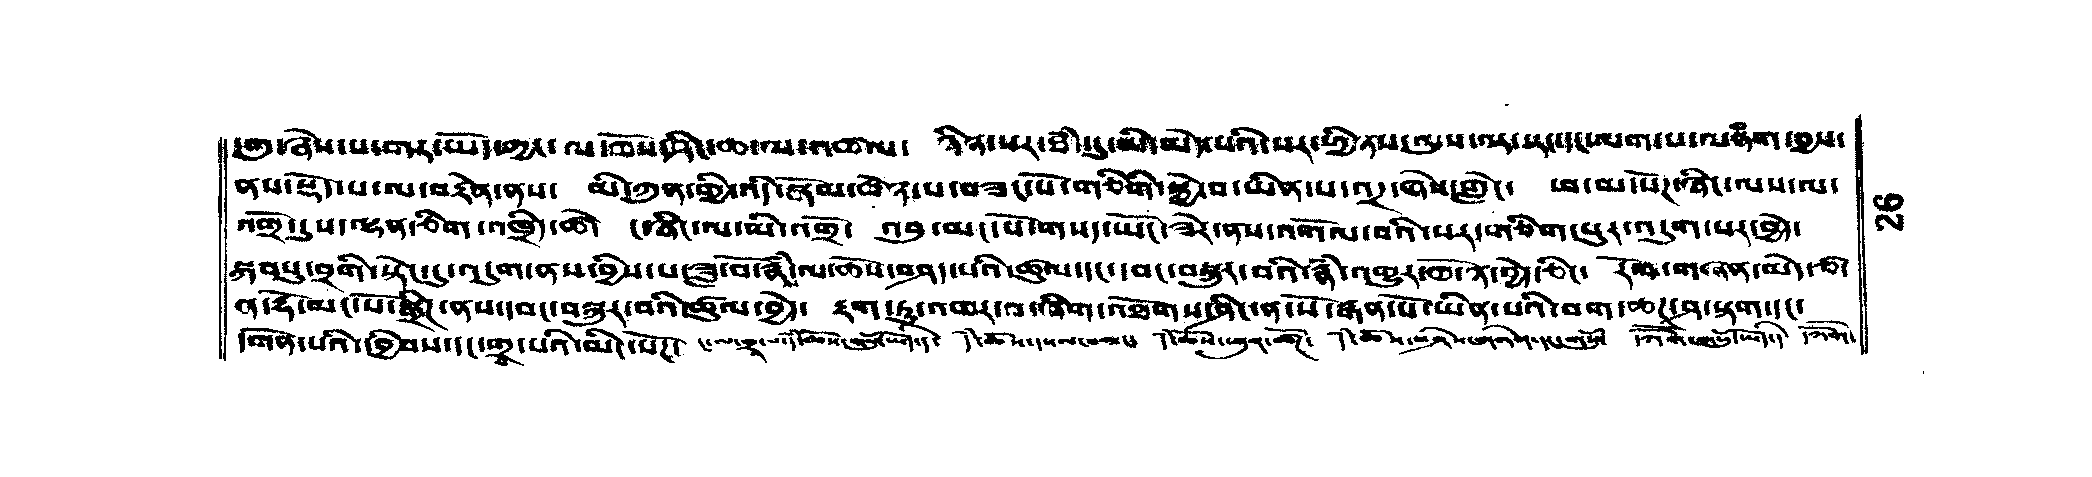དགུ་ཞེས་པ་གར་ཡོད་ཀྱང་མ་ཤེས་ཤིང་ཆ་མ་འཚལ། ཉིན་པར་ཐམས་ཅད་དུ་མི་མེད་པའི་སར་ཕྱིན་ནས་ལུས་ལྟ་སྟངས་དང་ལག་པ་མཉམ་བཞག་བྱས་
ནས་སྡོད་པ་ལ་བརྟེན་ནས། མི་ཀུན་གྱི་འདི་སྒོམ་ཆེན་པ་བཟང་པོ་གཅིག་གི་སྐྱེ་བ་ཡིན་པ་འདྲ་ཞེས་གླེང་། ཕ་མ་སོགས་ཞིང་ལས་ལ་
འགྲོ་དུས་ལྷན་ཅིག་འཁྲིད་ཚེ། ང་ཞིང་ལ་མི་འགྲོ། འབུ་མང་པོ་གསད་ཡོང་ཟེར་ནས་འགོལ་བའི་སར་གཅིག་པུུར་འདུག་པར་བྱེད། 
སྐབས་སུ་བྲག་གི་སྟེང་དུ་འདུག་ནས་བྱིས་པ་ཟླ་བོ་རྣམས་ལ་ཆོས་བཤད་པའི་ཚུལ་དང་དབང་བསྐུར་བའི་རྣམ་འགྱུར་ཁོ་ན་བྱེད་ཅིང་། རོགས་གཞན་མེད་ཙ་
ན་རྡོ་མང་པོ་སྒྲིགས་ནས་དབང་བསྐུར་བའི་ཚུལ་བྱེད། རྟག་ཏུ་འཁར་བ་ཞིག་འཐོགས་ཤིང་ན་སོ་རྒན་པོ་ཡིན་པའི་བག་ཆགས་ཤ་སྟག་དང་། 
དགོན་པའི་དབྱིབས་དང་གྲྭ་པའི་མིག་སོགས། ང་ལ་གྲྭ་པ་དམ་ཆོས་གསུམ་ཡོད་དེ། དམ་ཆོས་དཔལ་བཟང་། དམ་ཆོས་ཕུན་ཚོགས། དམ་ཆོས་བཤེས་གཉེན་དང་གསུམ། དཀོན་མཆོག་གསུམ་ཡོད་དེ། དཀོན་མཆོག་